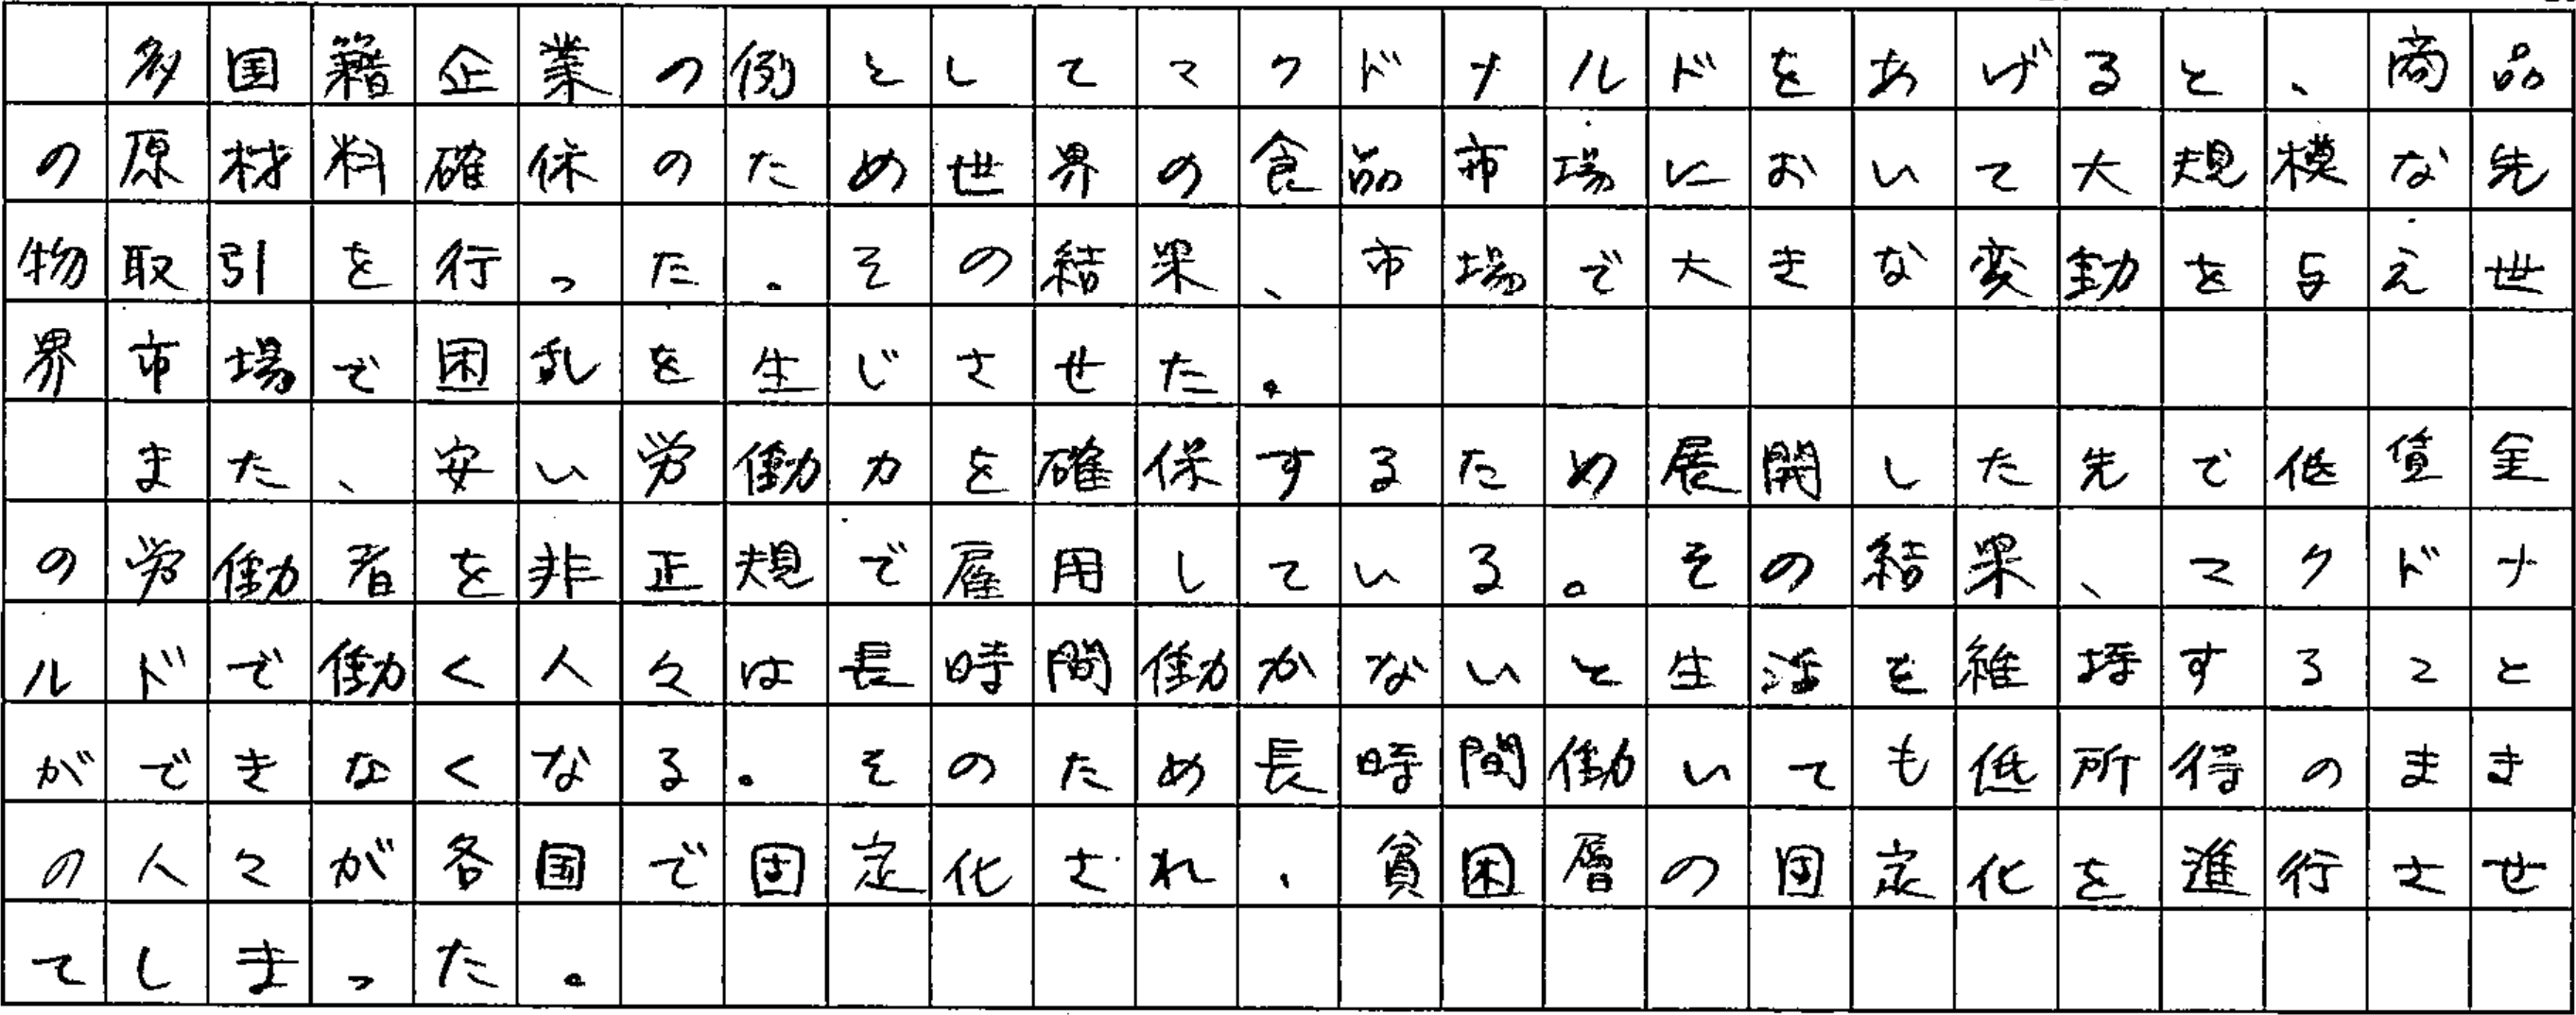　多国籍企業の例としてマクドナルドをあげると、商品の原材料確保のため世界の食品市場において大規模な先物取引を行った。その結果、市場で大きな変動を与え世界市場で困乱を生じさせた。
　また、安い労働力を確保するため展開した先で低賃金の労働者を非正規で雇用している。その結果、マクドナルドで働く人々は長時間働かないと生活を維持することができなくなる。そのため長時間働いても低所得のままの人々が各国で固定化され、貧困層の固定化を進行させてしまった。
